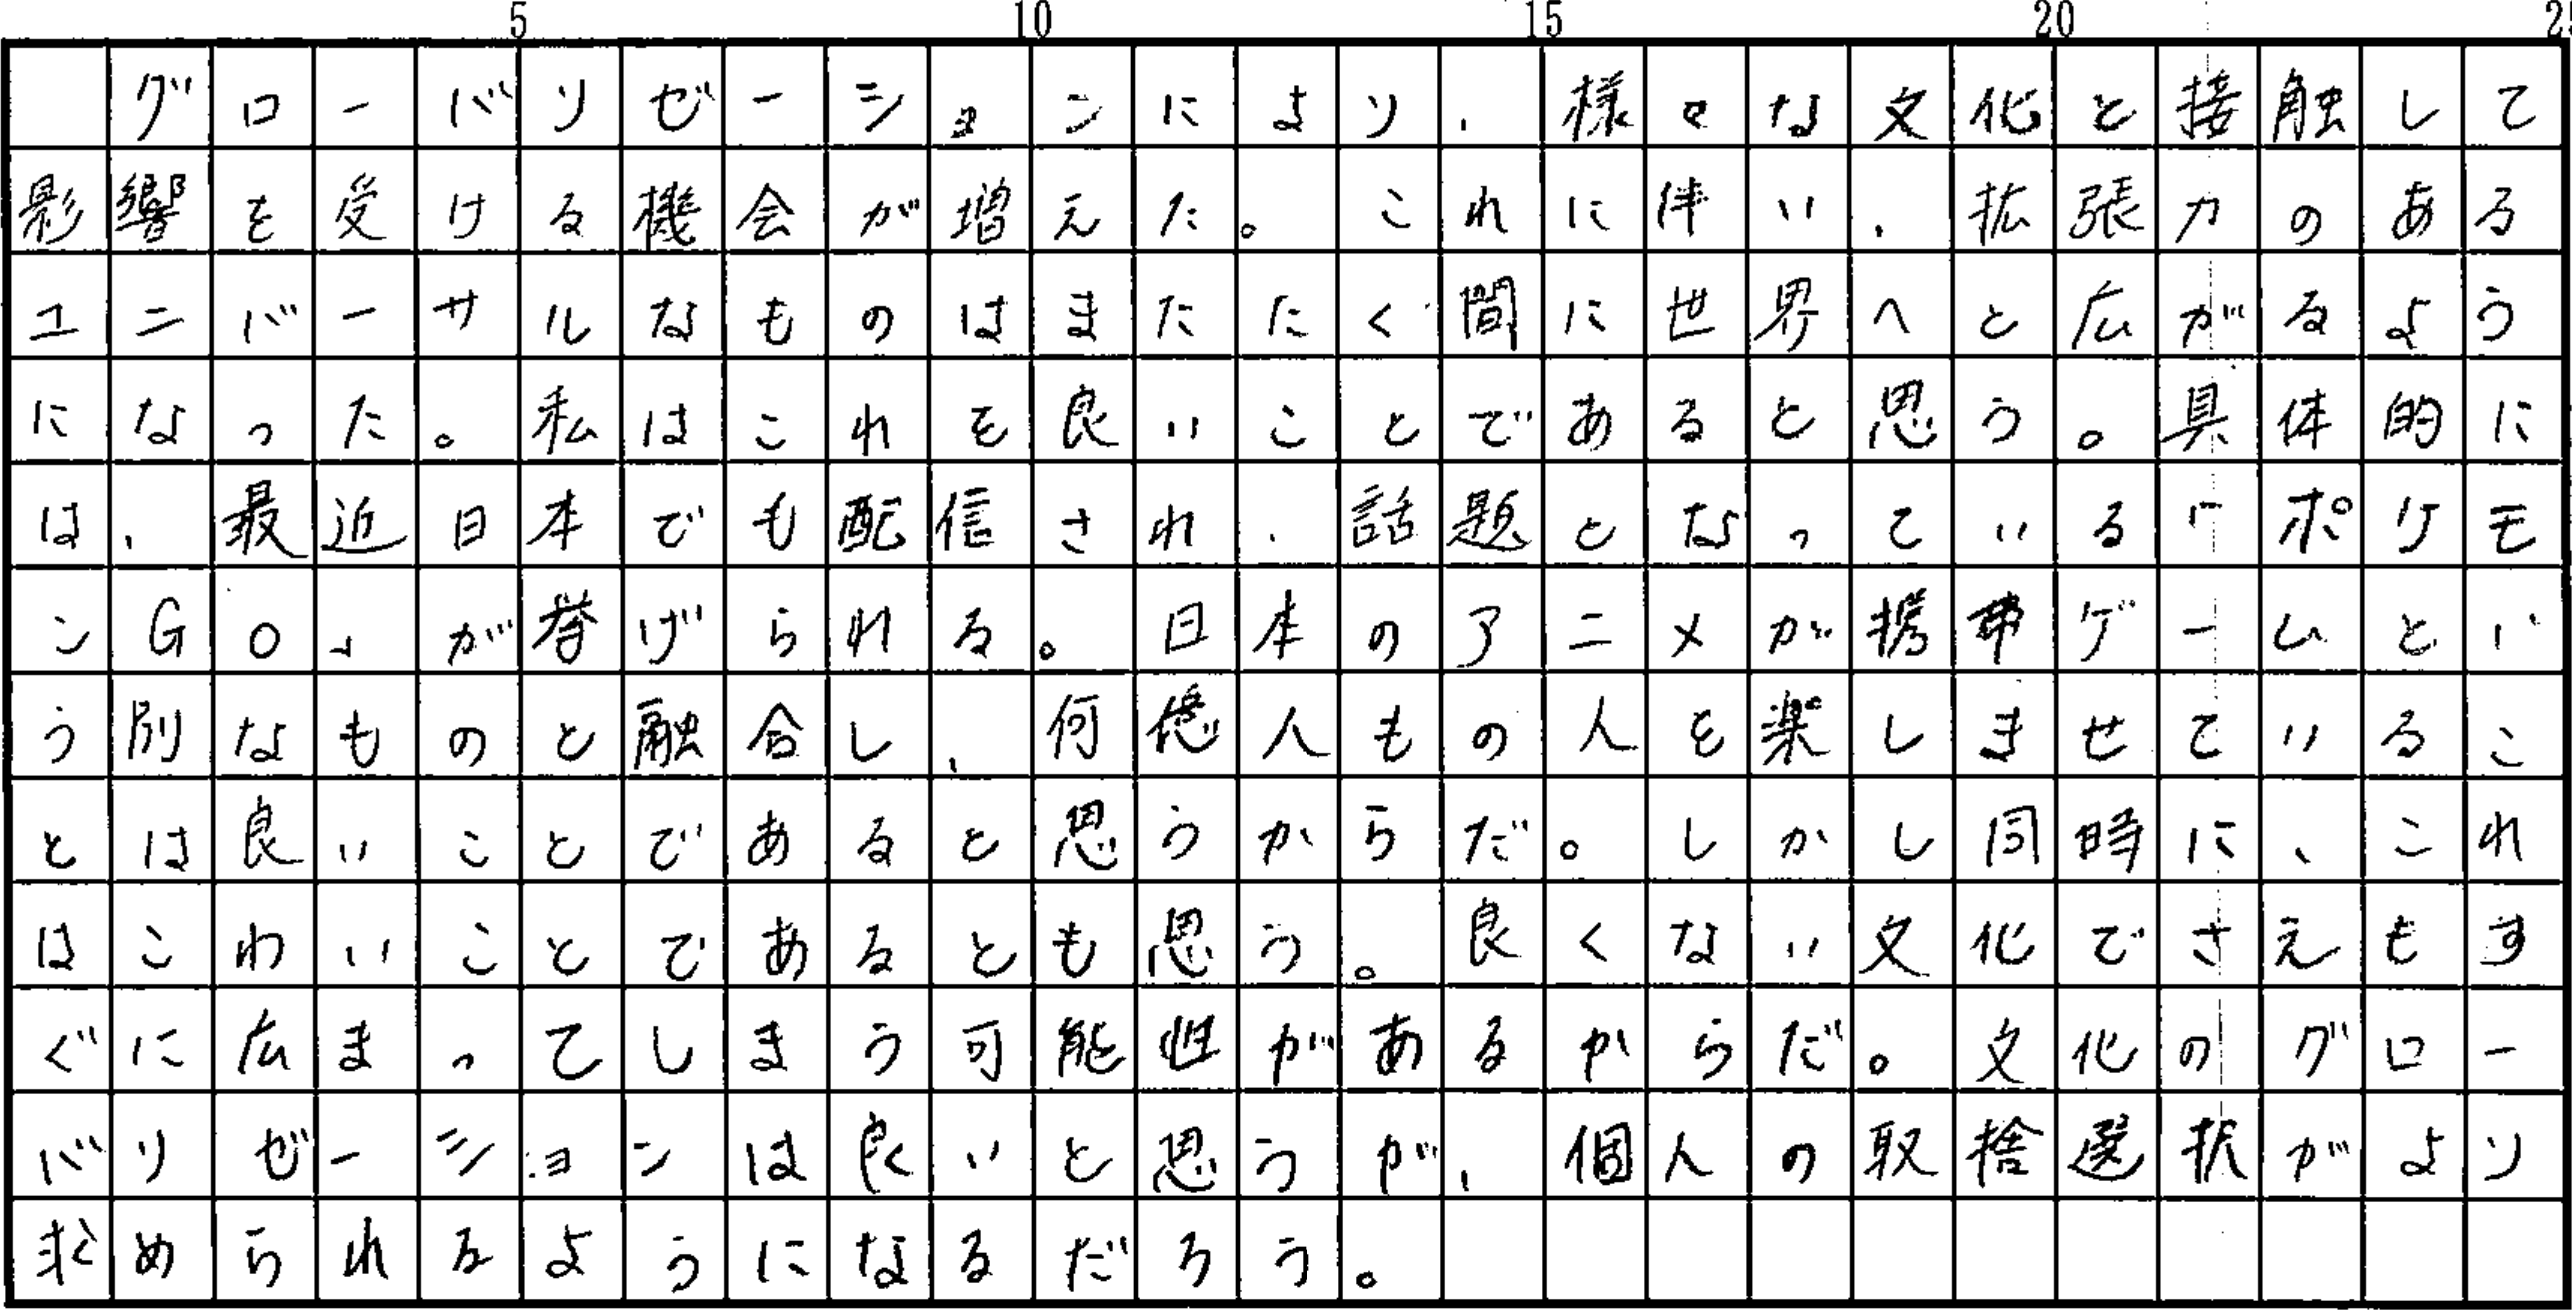　グローバリゼーションにより、様々な文化と接触して影響を受ける機会が増えた。これに伴い、拡張力のあるユニバーサルなものはまたたく間に世界へと広がるようになった。私はこれを良いことであると思う。具体的には、最近日本でも配信され、話題となっている「ポケモンＧｏ」が挙げられる。日本のアニメが携帯ゲームという別なものと融合し、何億人もの人を楽しませていることは良いことであると思うからだ。しかし同時に、これはこわいことであるとも思う。良くない文化でさえもすぐに広まってしまう可能性があるからだ。文化のグローバリゼーションは良いと思うが、個人の取捨選択がより求められるようになるだろう。
